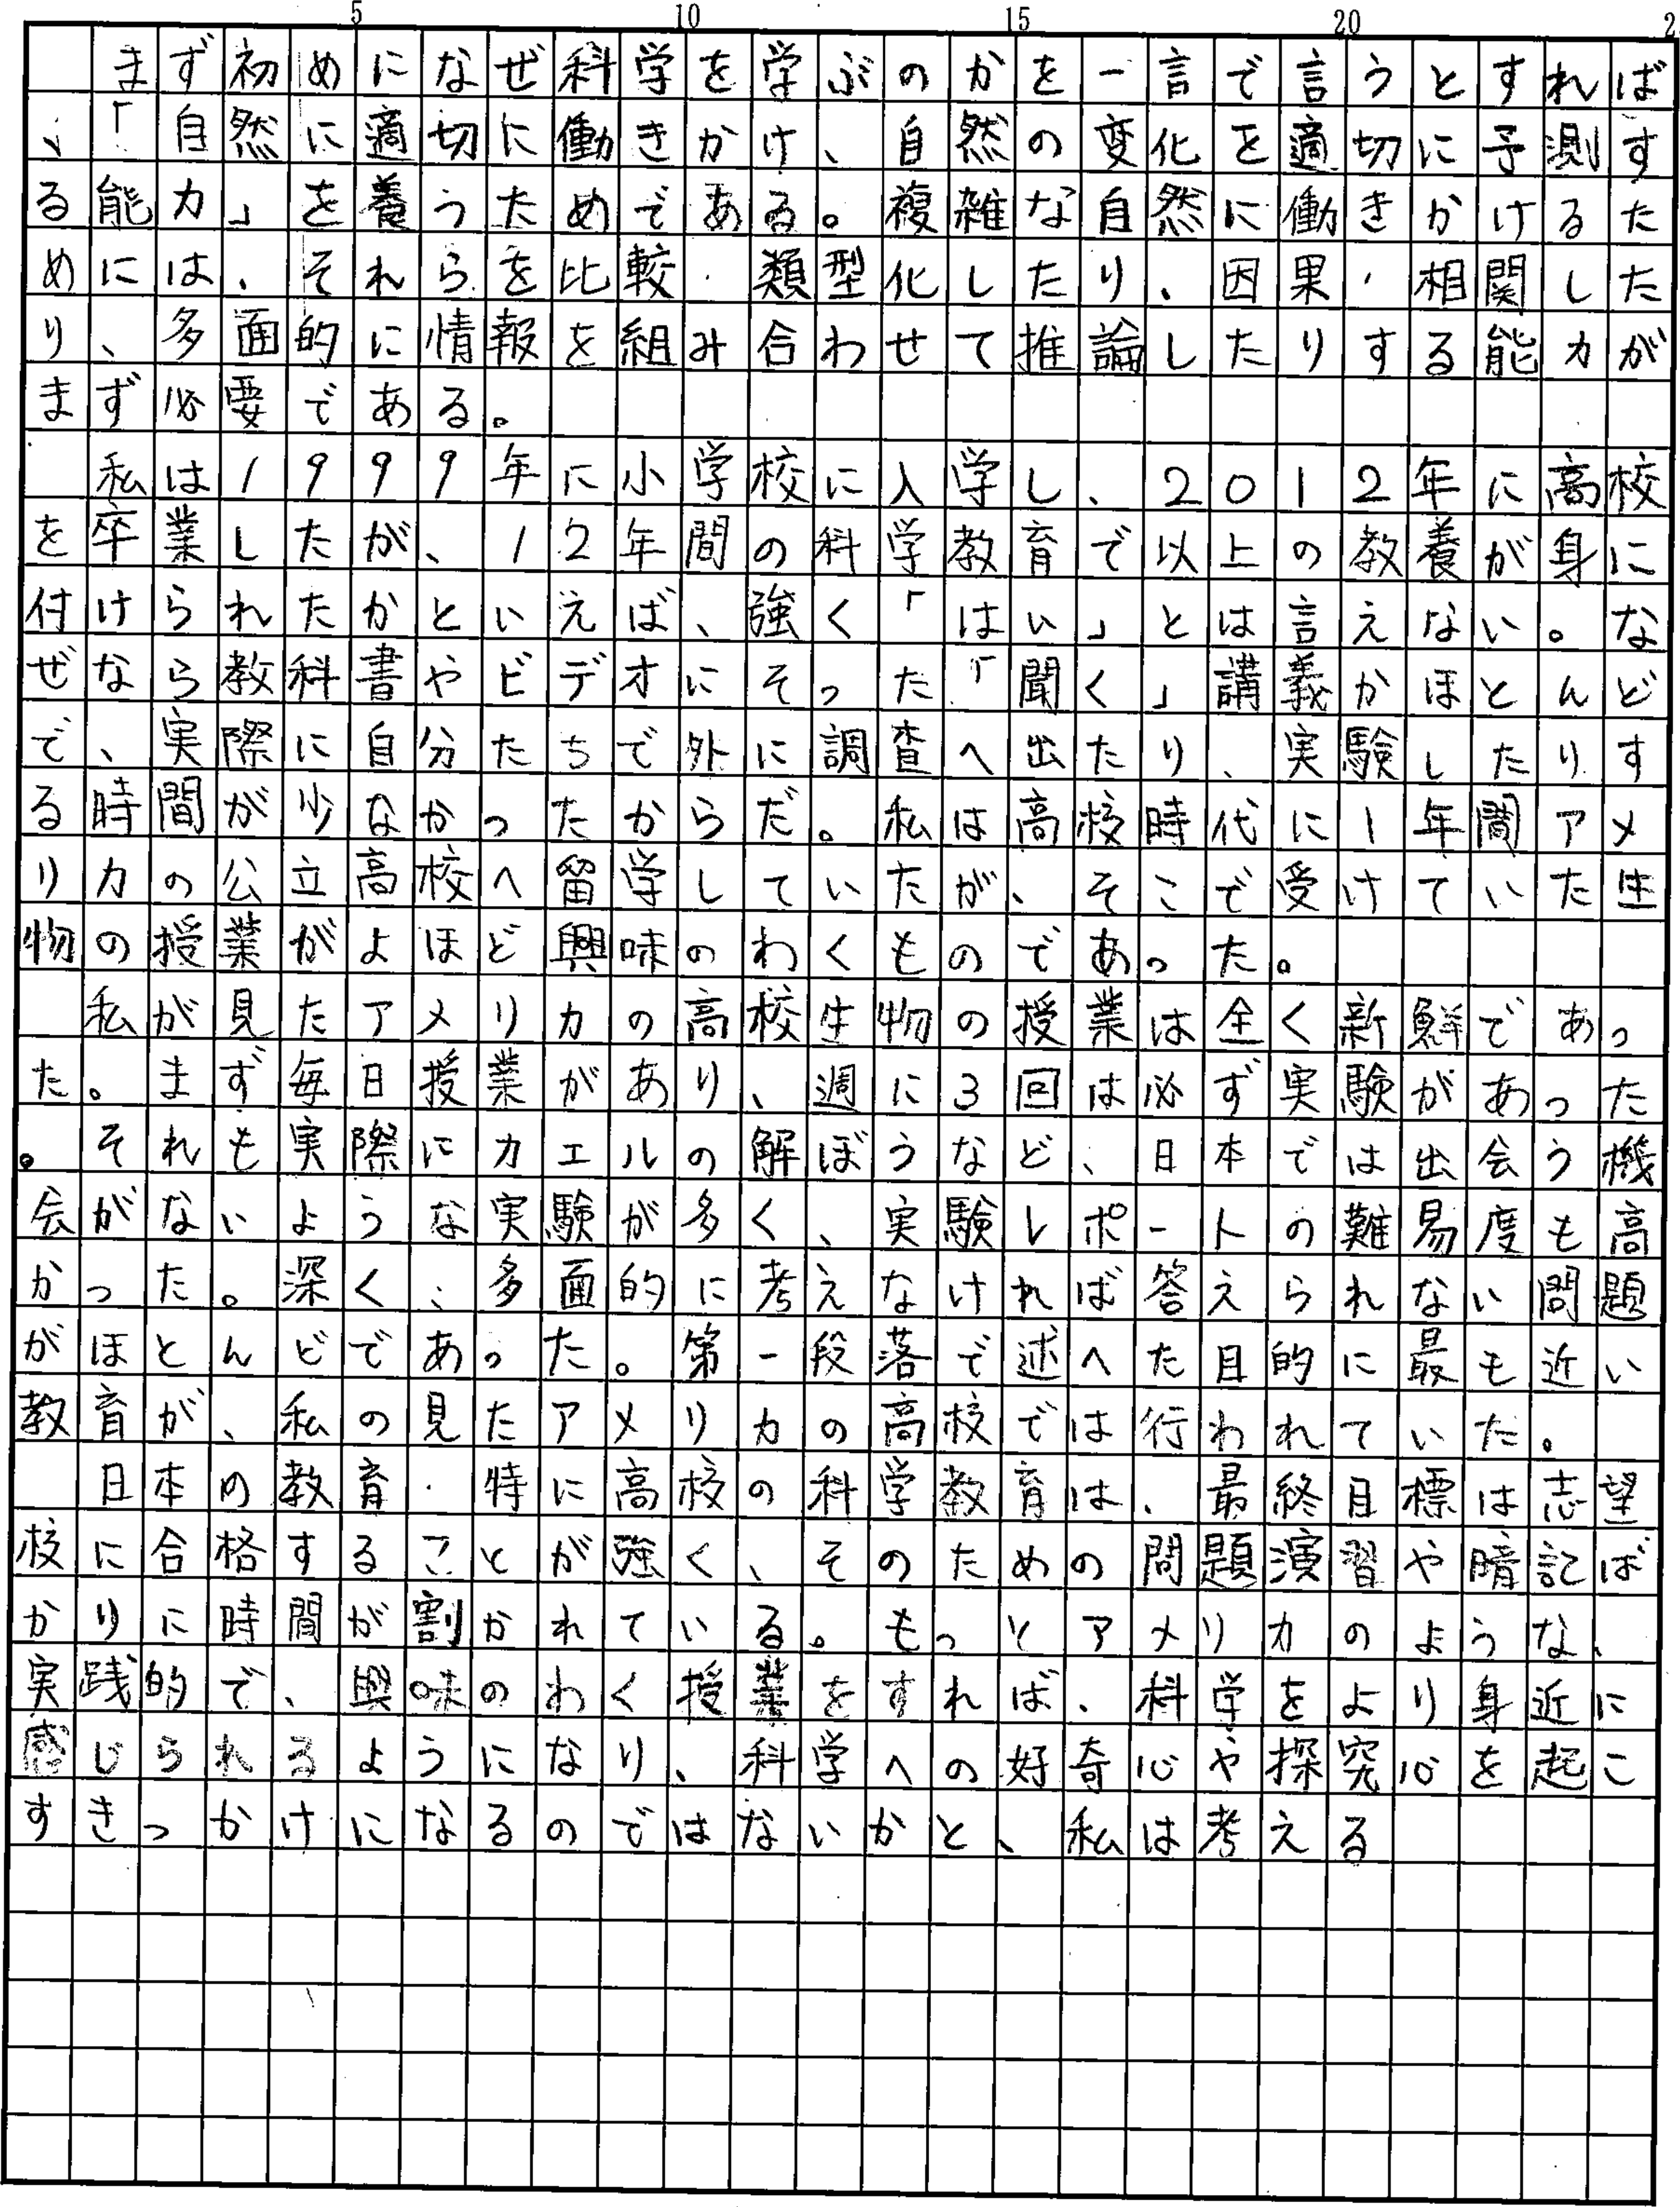　まず▁めになぜ科学を学ぶのかを一言で言うとすれば、「自然に適切に働きかけ、自然の変化を適切に予測する能力」を養うためである。複雑な自然に働きかけるためには、それらを比較、類型化したり、因果・相関したり、多面的に情報を組み合わせて推論したりする能力がまず必要である。
　私は１９９９年に小学校に入学し、２０１２年に高校を卒業したが、１２年間の科学教育で以上の教養が身に付けられたかといえば、強く「はい」とは言えない。なぜなら教科書やビデオにそった「聞く」講義かほとんどで、実際に自分たちで外に調査へ出たり、実験したりする時間が少なかったからだ。私は高校時代に１年間アメリカの公立高校へ留学していたが、そこで受けていた生物の授業がよほど興味のわくものであった。
　私が見たアメリカの高校生物の授業は全く新鮮であった。まず毎日授業があり、週に３回は必ず実験があった。それも実際にカエルの解ぼうなど、日本では出会う機会がないような実験が多く、実験レポートの難易度も高かった。深く、多面的に考えなければ答えられない問題がほとんどであった。第一段落で述へた目的に最も近い教育が、私の見たアメリカの高校では行われていた。
　日本の教育、特に高校の科学教育は、最終目標は志望校に合格することが強く、そのための問題演習や暗記ばかりに時間が割かれている。もっとアメリカのような、実践的で、興味のわく授業をすれば、科学をより身近に感じられるようになり、科学への好奇心や探究心を起こすきっかけになるのではないかと、私は考える
